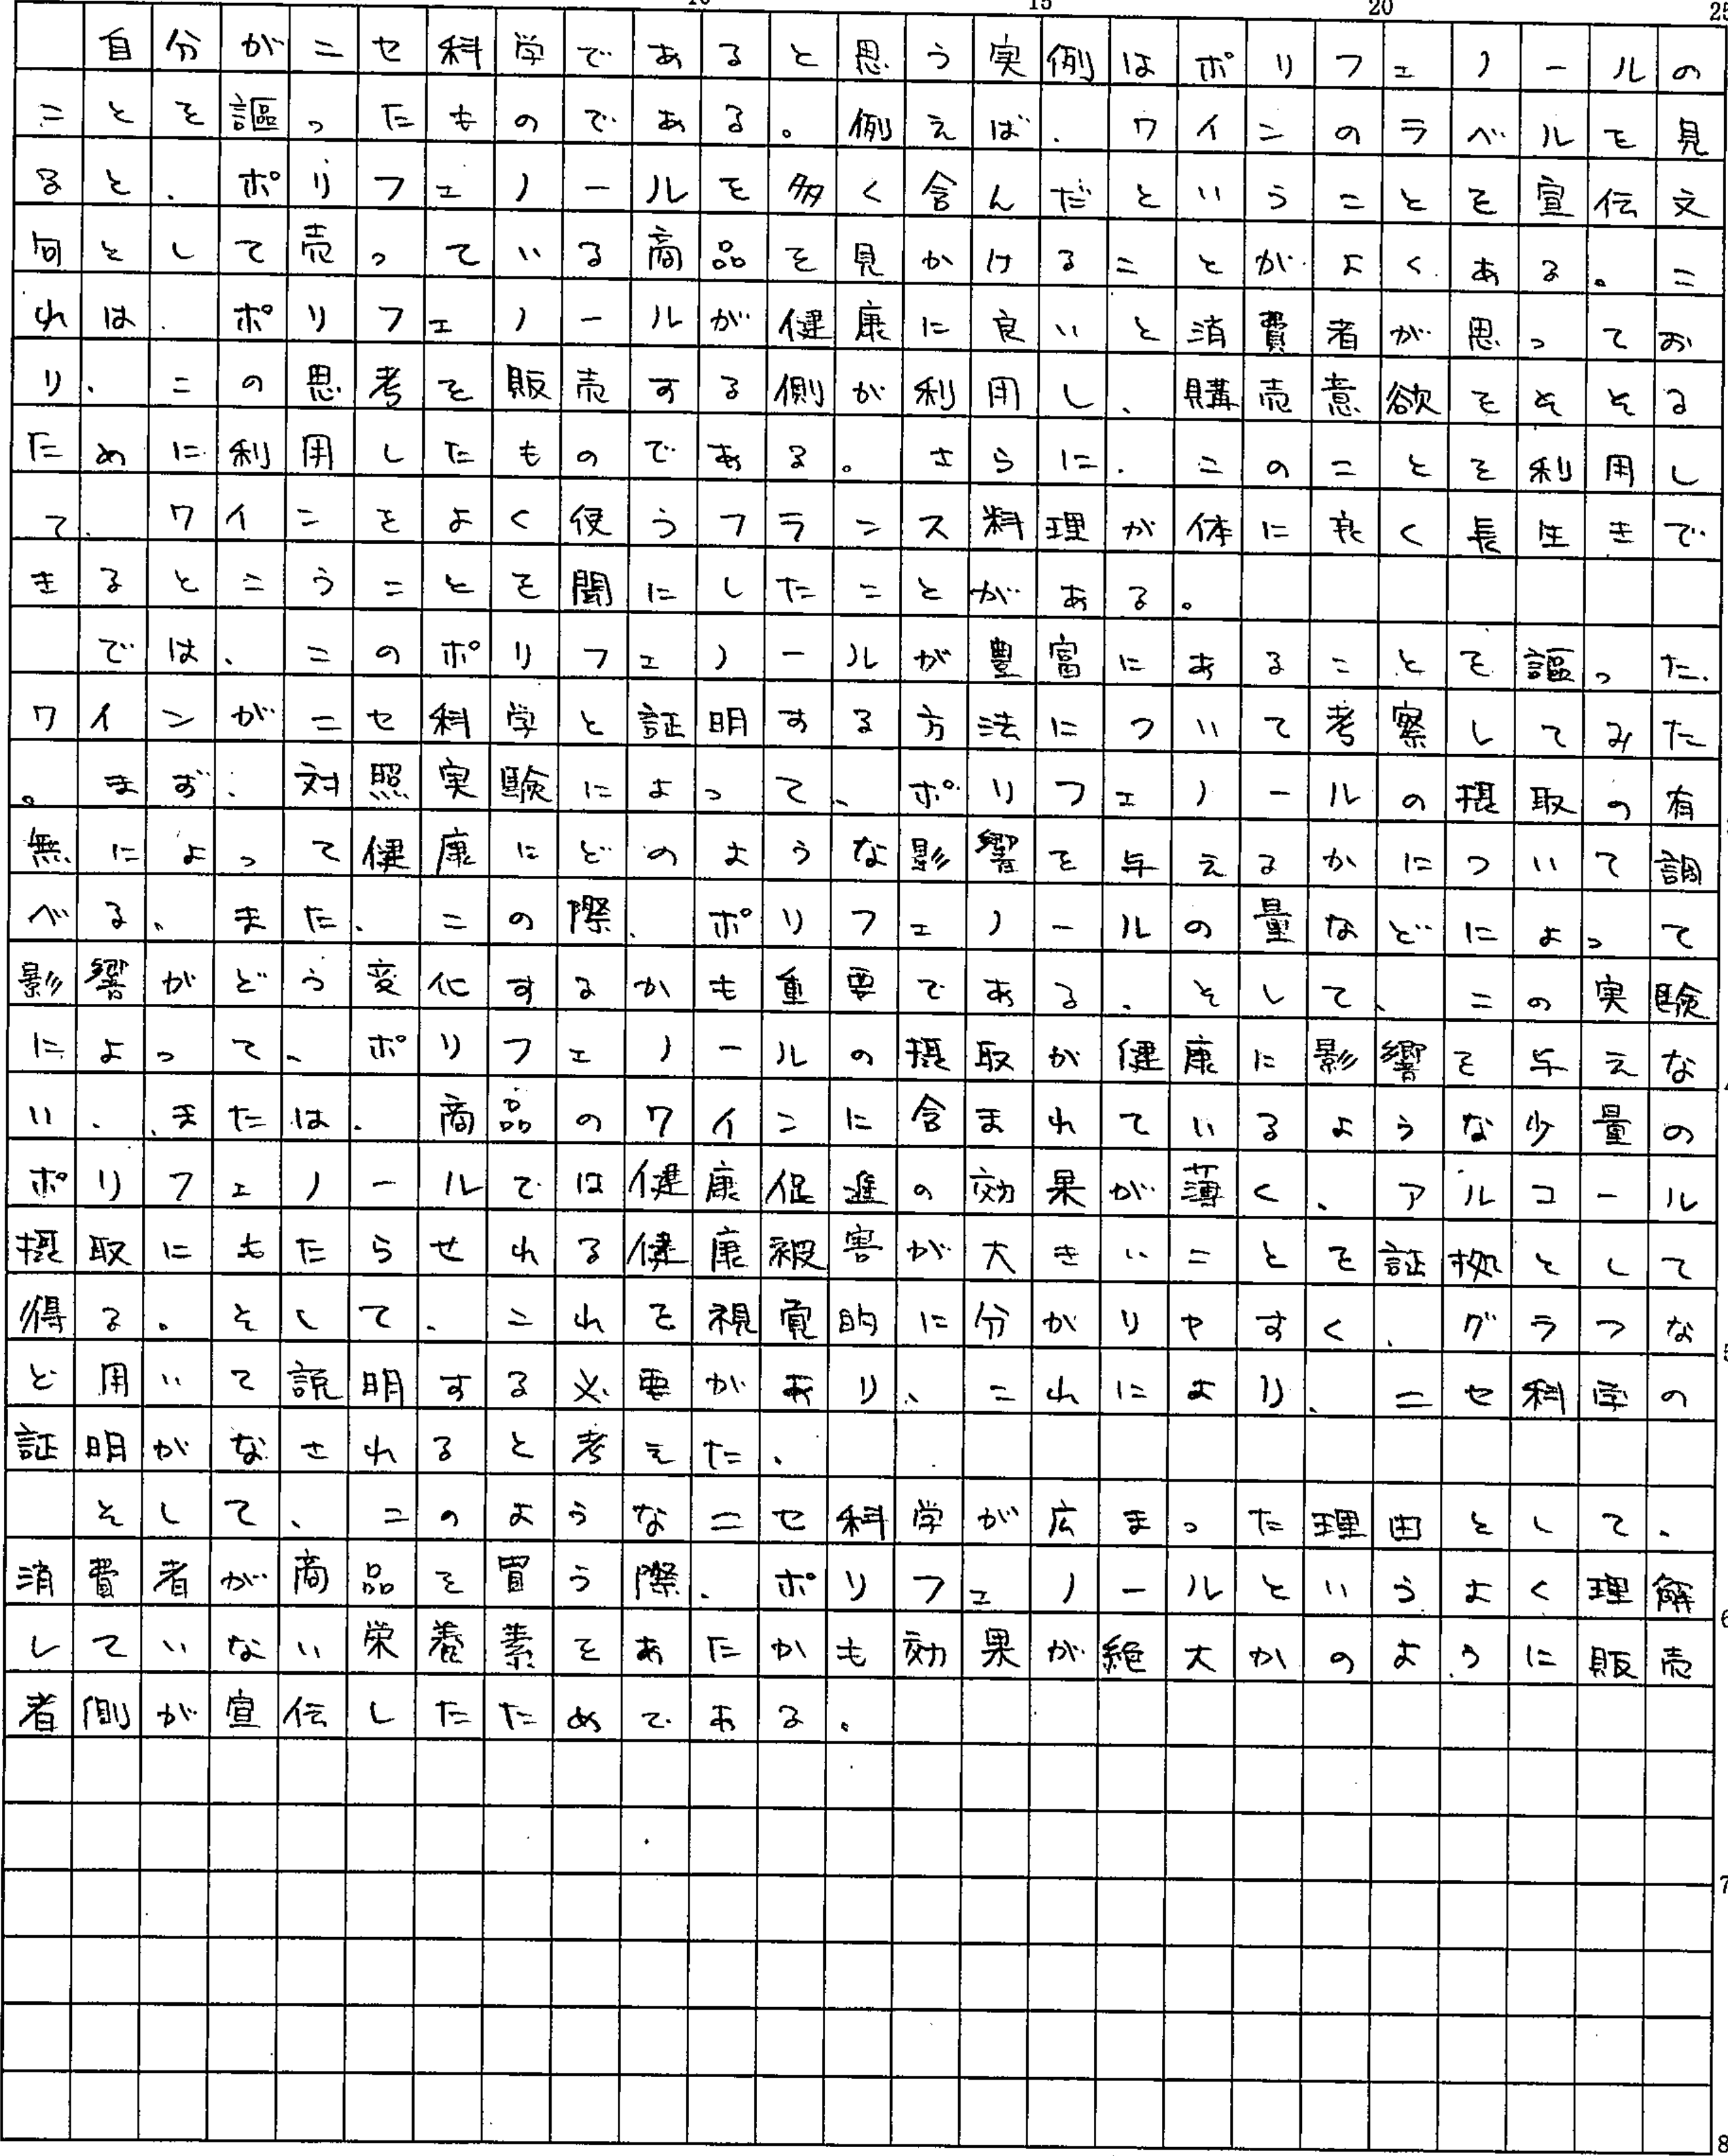　自分がニセ科学であると思う実例はポリフェノールのことを謳ったものである。例えば、ワインのラベルを見ると、ポリフェノールを多く含んだということを宣伝文句として売っている商品を見かけることがよくある。これは　ポリフェノールが健康に良いと消費者が思っており、この思考を販売する側が利用し、購売意欲をそそるために利用したものである。さらに、このことを利用して、ワインをよく使うフランス料理が体に良く長生きできるとこうことを聞にしたことがある。
　では、このポリフェノールが豊富にあることを謳ったワインがニセ科学と証明する方法について考察してみた。まず、対照実験によって、ポリフェノールの摂取の有無によって健康にどのような影響を与えるかについて調べる。また、この際、ポリフェノールの量などによって影響がどう変化するかも重要である。そして、この実験によって、ポリフェノールの摂取が健康に影響を与えない、または、商品のワインに含まれているような少量のポリフェノールでは健康促進の効果が薄く、アルコール摂取にもたらせれる健康被害が大きいことを証拠として得る。そして、これを視覚的に分かりやすく、グラフなど用いて説明する必要があり、これにより、ニセ科学の証明がなされると考えた。
　そして、このようなニセ科学が広まった理由として、消費者が商品を▁う際、ポリフェノールというよく理解していない栄養素をあたかも効果が絶大かのように販売者側が宣伝したためである。
